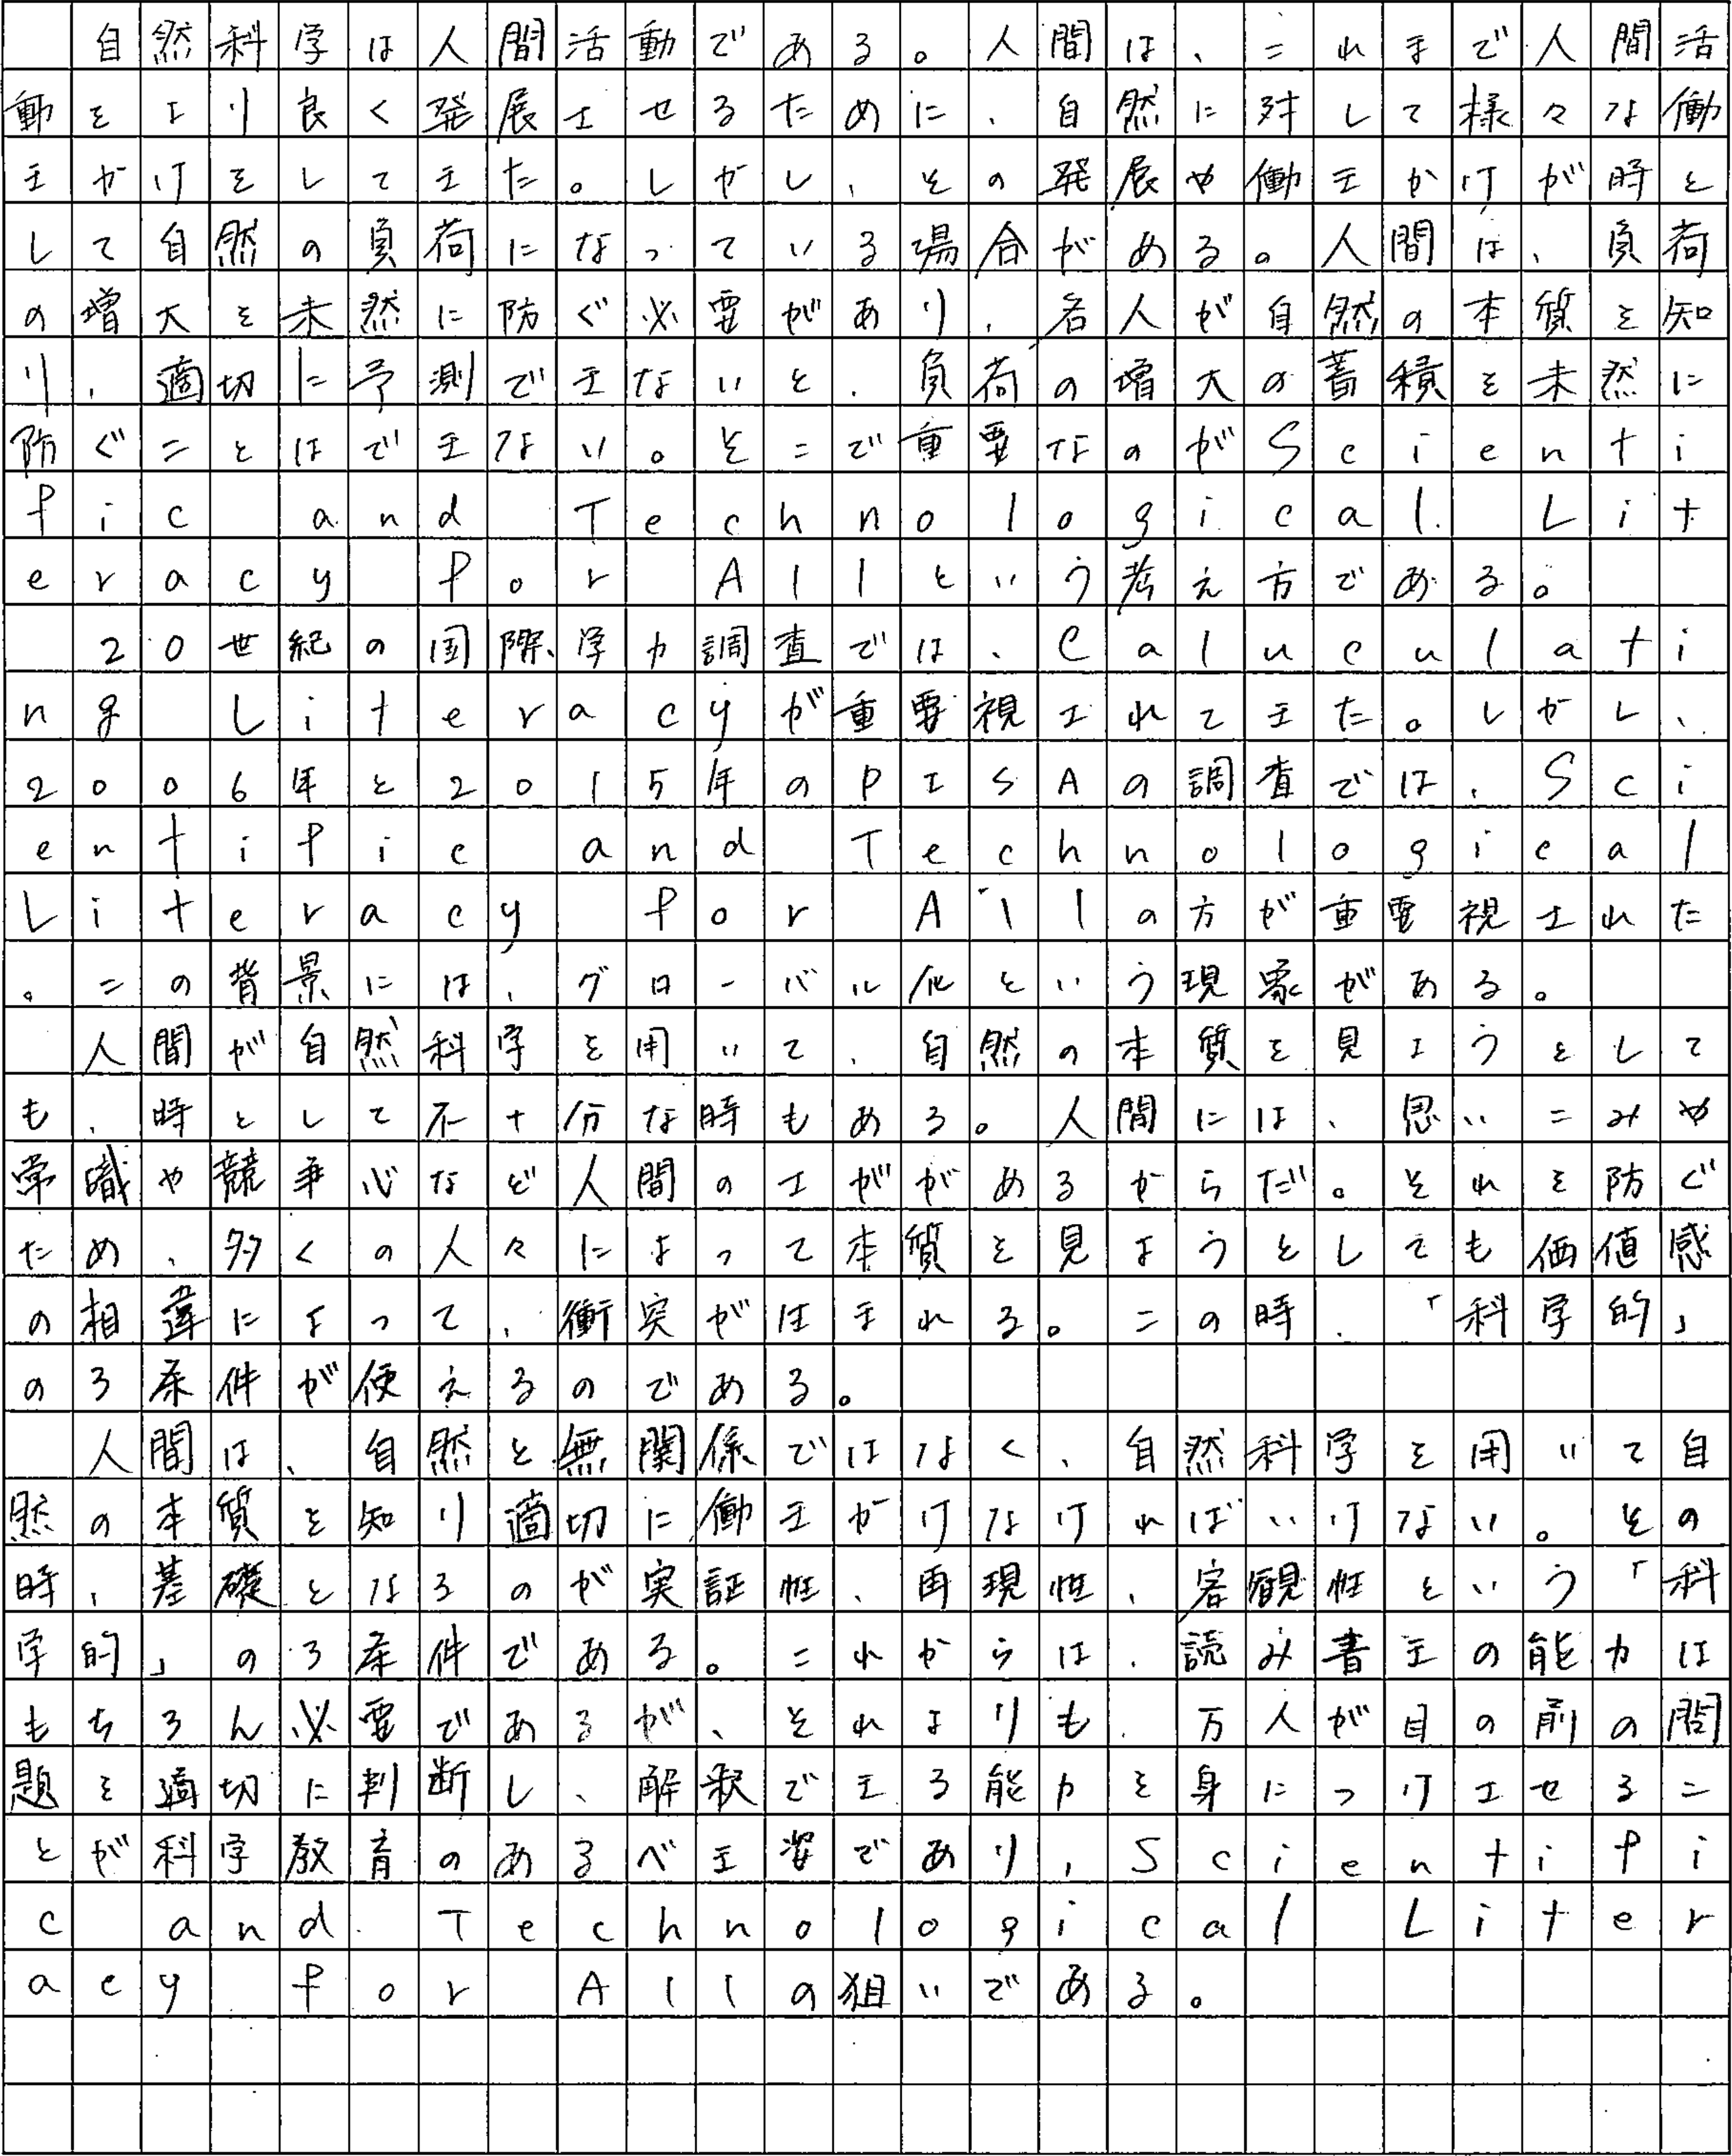　自然科学は人間活動である。人間は、これまで人間活動をより良く発展させるために、自然に対して様々な働きかけをしてきた。しかし、その発展や働きかけが時として自然の負荷になっている場合がある。人間は、負荷の増大を未然に防ぐ必要があり、各人が自然の本質を知り、適切に予測できないと、負荷の増大の蓄積を未然に防ぐことはできない。そこで重要なのがＳｃｉｅｎｔｉｆｉｃ　ａｎｄ　Ｔｅｃｈｎｏｌｏｇｉｃａｌ　Ｌｉｔｅｒａｃｙ　ｆｏｒ　Ａｌｌという考え方である。
　２０世紀の国際学力調査では、Ｃａｌｕｃｕｌａｔｉｎｇ　Ｌｉｔｅｒａｃｙが重要視されてきた。しかし、２００６年と２０１５年のＰＩＳＡの調査では、Ｓｃｉｅｎｔｉｆｉｃ　ａｎｄ　Ｔｅｃｈｎｏｌｏｇｉｃａｌ　Ｌｉｔｅｒａｃｙ　ｆｏｒ　Ａｌｌの方が重要視された。この背景には、グローバル化という現象がある。
　人間が自然科学を用いて、自然の本質を見ようとしても、時として不十分な時もある。人間には、思いこみや常識や競争心など人間のさががあるからだ。それを防ぐため、多くの人々によって本質を見ようとしても価値感の相違によって、衝突が生まれる。この時、「科学的」の３条件が使えるのである。
　人間は、自然と無関係ではなく、自然科学を用いて自然の本質を知り適切に働きかけなければいけない。その時、基礎となるのが実証性、再現性、客観性という「科学的」の３条件である。これからは、読み書きの能力はもちろん必要であるが、それよりも、万人が目の前の問題を適切に判断し、解釈できる能力を身につけさせることが科学教育のあるべき姿であり、Ｓｃｉｅｎｔｉｆｉｃ　ａｎｄ　Ｔｅｃｈｎｏｌｏｇｉｃａｌ　Ｌｉｔｅｒａｃｙ　ｆｏｒ　Ａｌｌの狙いである。
